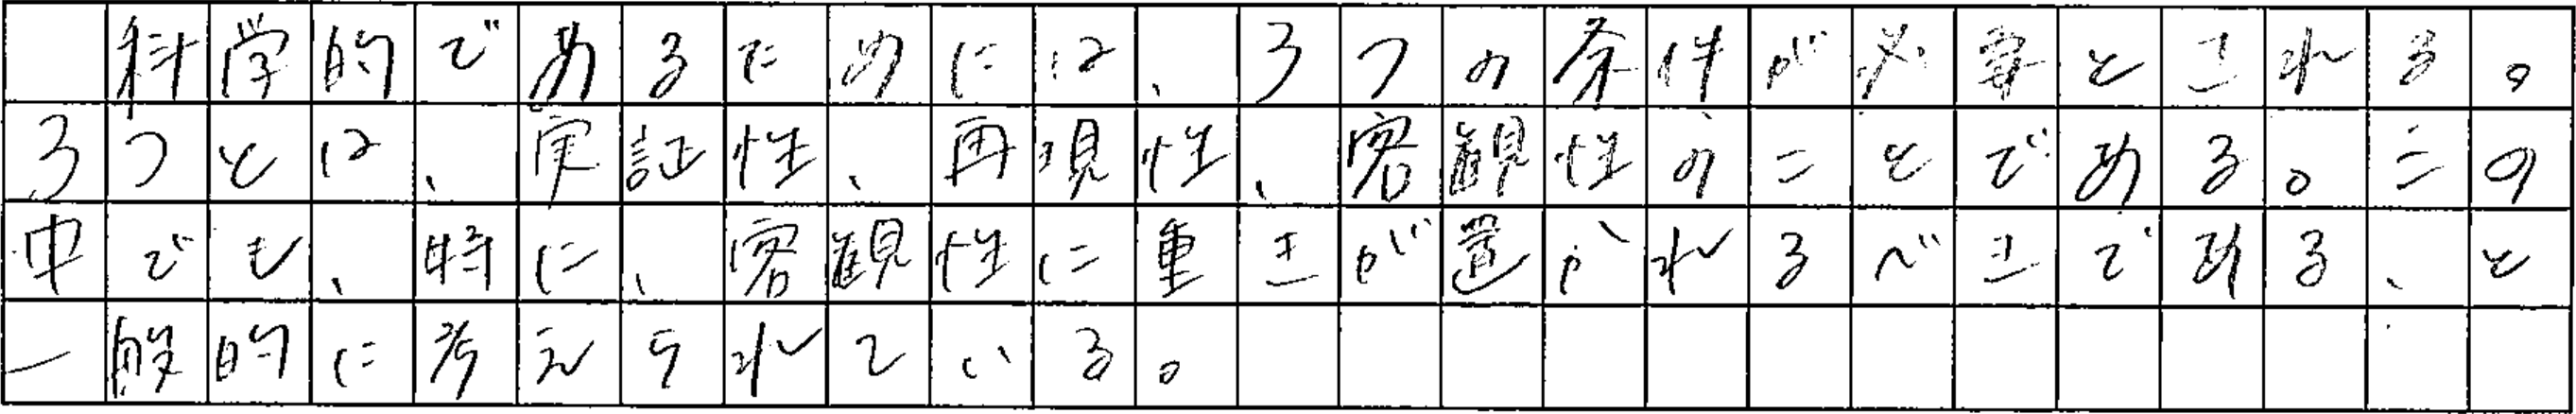　科学的であるためには、３つの条件が必要とされる。３つとは、実証性、再現性、客観性のことである。この中でも、特に、客観性に重きが置かれるべきである、と一般的に考えられている。
